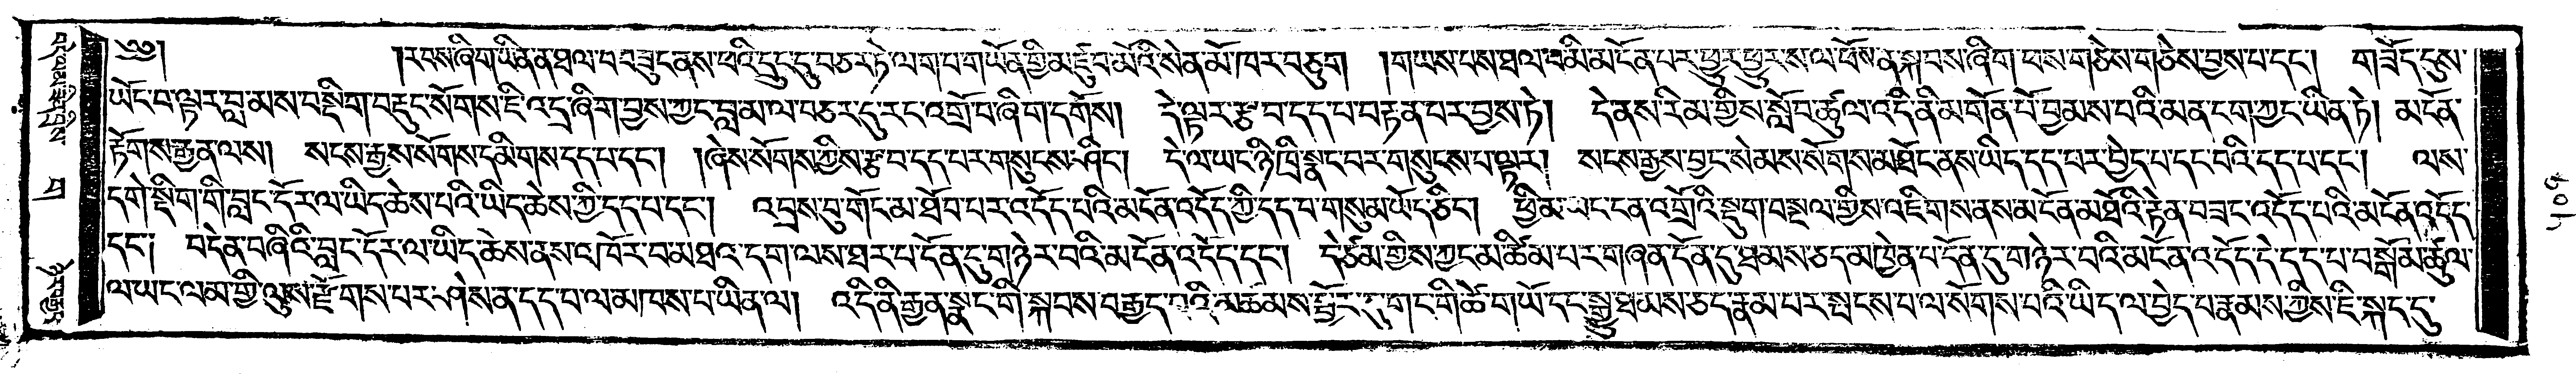༄༅། །རབས་ཞིག་ཡིན་ན་ཐལ་བ་བཟུང་ནས་ཕའི་དྲུང་དུ་བཅར་ཏེ་ལག་པ་གཡོན་གྱི་མཛུབ་མོའི་སེན་མོ་ཁར་བཅུག །གཡས་པས་ཐལ་པ་མི་མངོན་པར་ཕྱུར་ཕྱུར་ས་ལ་ཕོས་ན་སྐབས་ཞིག་ཕས་གཅེས་གཅེས་བྱས་བ་དང་། གཟོད་དུས་
ཡོང་བ་ལྟར་བླ་མས་བསྡིག་བརྡུང་སོགས་ཇི་འདྲ་ཞིག་བྱས་ཀྱང་བླ་མ་ལ་བཅར་དུ་རང་འགྲོ་བ་ཞིག་དགོས། དེ་ལྟར་རྩ་བ་དད་པ་བརྟན་པར་བྱས་ཏེ། དེ་ནས་རིམ་གྱིས་སློབ་ཚུལ་འདི་ནི་མགོན་པོ་བྱམས་བའི་མན་ངག་ཀྱང་ཡིན་ཏེ། མངོན་
རྟོགས་རྒྱན་ལས། སངས་རྒྱས་སོགས་དམིགས་དད་པ་དང་། །ཞེས་སོགས་ཀྱིས་རྩ་བ་དད་པར་གསུངས་ཤིང་། དེ་ལ་ཡང་ཉི་ཁྲི་སྣང་བར་གསུངས་པ་ལྟར། སངས་རྒྱས་བྱང་སེམས་སོགས་མཐོང་ནས་ཡིད་དད་བར་བྱེད་པ་དང་བའི་དད་པ་དང་། ལས་
དགེ་སྡིག་གི་བླང་དོར་ལ་ཡིད་ཆེས་པའི་ཡིད་ཆེས་ཀྱི་དད་པ་དང་། འབྲས་བུ་གོང་མཐོབ་པར་འདོད་པའི་མངོན་འདོད་ཀྱི་དད་བ་གསུམ་ཡོད་ཅིང་། ཕྱི་མ་ཡང་ངན་འགྲོའི་སྡུག་བསྔལ་གྱིས་འཇིགས་ནས་མངོན་མཐོའི་རྟེན་བཟང་འདོད་པའི་མངོན་འདོད་
དང་། བདེན་བཞིའི་བླང་དོར་ལ་ཡིད་ཆེས་ནས་འཁོར་བ་མཐའ་དག་ལས་ཐར་པ་དོན་དུ་གཉེར་བའི་མངོན་འདོད་དང་། དེ་ཙམ་གྱིས་ཀྱང་མཚམ་པར་གཞན་དོན་དུ་ཐམས་ཅད་མཁྱེན་པ་དོན་དུ་གཉེར་བའི་མངོན་འདོད་དེ་དད་པ་བསྒོམ་ཚུལ་
ལ་ཡང་ལམ་གྱི་ལུས་རྫོགས་པར་ཤེས་ན་དད་པ་ལ་མཁས་པ་ཡིན་ལ། འདི་ནི་རྒྱན་སྣང་གི་སྐབས་བརྒྱད་པའི་མཚམས་སྦྱོར་དུ་གང་གི་ཚེ་གཡོ་དང་སྒྱུ་ཐམས་ཅད་རྣམ་པར་སྤངས་བ་ལ་སོགས་བའི་ཡིད་ལ་བྱེད་པ་རྣམས་ཀྱིས་ཇི་སྐད་དུ་